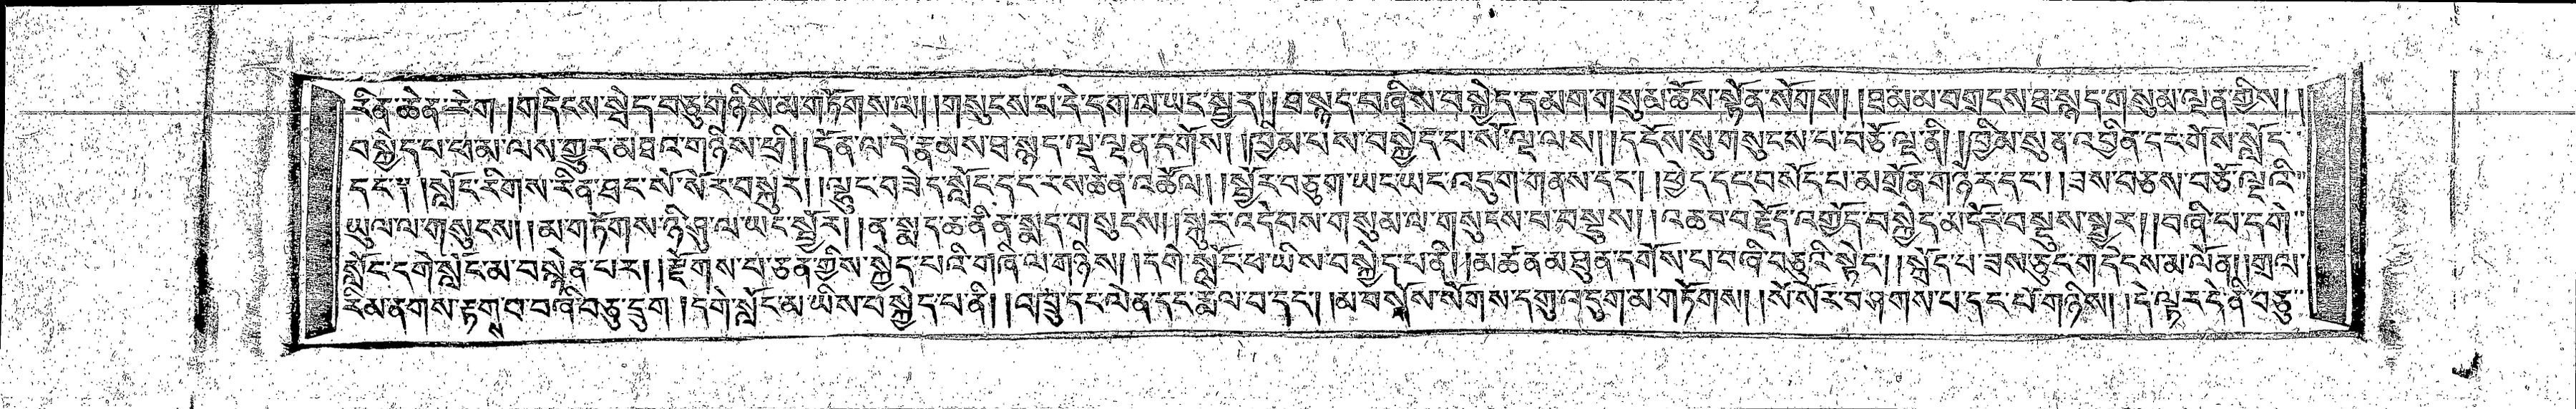རིན་ཆེན་རེག །གདེངས་སྦེད་བཅུ་གཉིས་མ་གཏོགས་ལ། །གསུངས་པ་དེ་དག་ལ་ཡང་སྦྱར། །ཐ་སྙད་བཞིས་བསྐྱེད་དམག་གསུམ་ཆོས་སྟོན་སོགས། །ཐ་མ་མ་བགྲངས་ཐ་སྙད་གསུམ་ལྡན་གྱིས། །
བསྐྱེད་པ་ཕ་མ་ལས་གྱུར་མཐའ་གཉིས་ཕྲི། །དོན་ལ་དེ་རྣམས་ཐ་སྙད་ལྔ་ལྡན་དགོས། །ཁྱིམ་པས་བསྐྱེད་པ་སོ་ལྔ་ལས། །དངོས་སུ་གསུངས་པ་བཅོ་ལྔ་ནི། །ཁྱིམ་སུན་འབྱིན་དང་གོས་སློང་
དང༑ །སློང་རིགས་རིན་ཐང་སོ་སོར་བསྐུར། །ལྷུང་བཟེད་སློང་དང་རས་ཆེན་འཚོལ། །སྦྱོར་བཅུག་ཡང་ཡང་འདུག་གནས་དང་། །ཕྱེད་དང་བསོད་པ་མགྲོན་གཉེར་དང་། །ཟས་བཅས་བཅོ་ལྔའི་
ཡུལ་ལ་གསུངས། །མ་གཏོགས་ཉི་ཤུ་ལ་ཡང་སྦྱོར། །ན་སྨད་ཆ་ནི་ན་སྨད་གསུངས། །སྐུར་འདེབས་གསུམ་ལ་གསུངས་པ་བསྡུས། །འཆབ་བརྗོད་འགྱོད་བསྐྱེད་མདོར་བསྡུས་སྦྱར། །བཞི་པ་དགེ་
སློང་དགེ་སློང་མ་བསྙེན་པར། །རྫོགས་པ་ཅན་གྱིས་སྐྱེད་པའི་གཞི་ལ་གཉིས། །དགེ་སློང་ཕ་ཡིས་བསྐྱེད་པ་ནི། །མཚན་མཐུན་དགོས་པ་བཞི་བཅུའི་སྟེང་། །སྐྲོད་པ་ཟས་ཅུང་གདེངས་མ་ལོན། །གྲལ་
རིམ་ནགས་རྟགས་པ་བཞི་བཅུ་དྲུག །དགེ་སློང་མ་ཡིས་བསྐྱེད་པ་ནི། །འཁྲུ་དང་ལེན་དང་རྨེལ་བ་དང་། །མ་བསྐོས་སོགས་དགུ་འདུག་མ་གཏོགས། །སོ་སོར་བཤགས་པ་དང་པོ་གཉིས། །དེ་ལྟར་དེ་ནི་བཅུ་